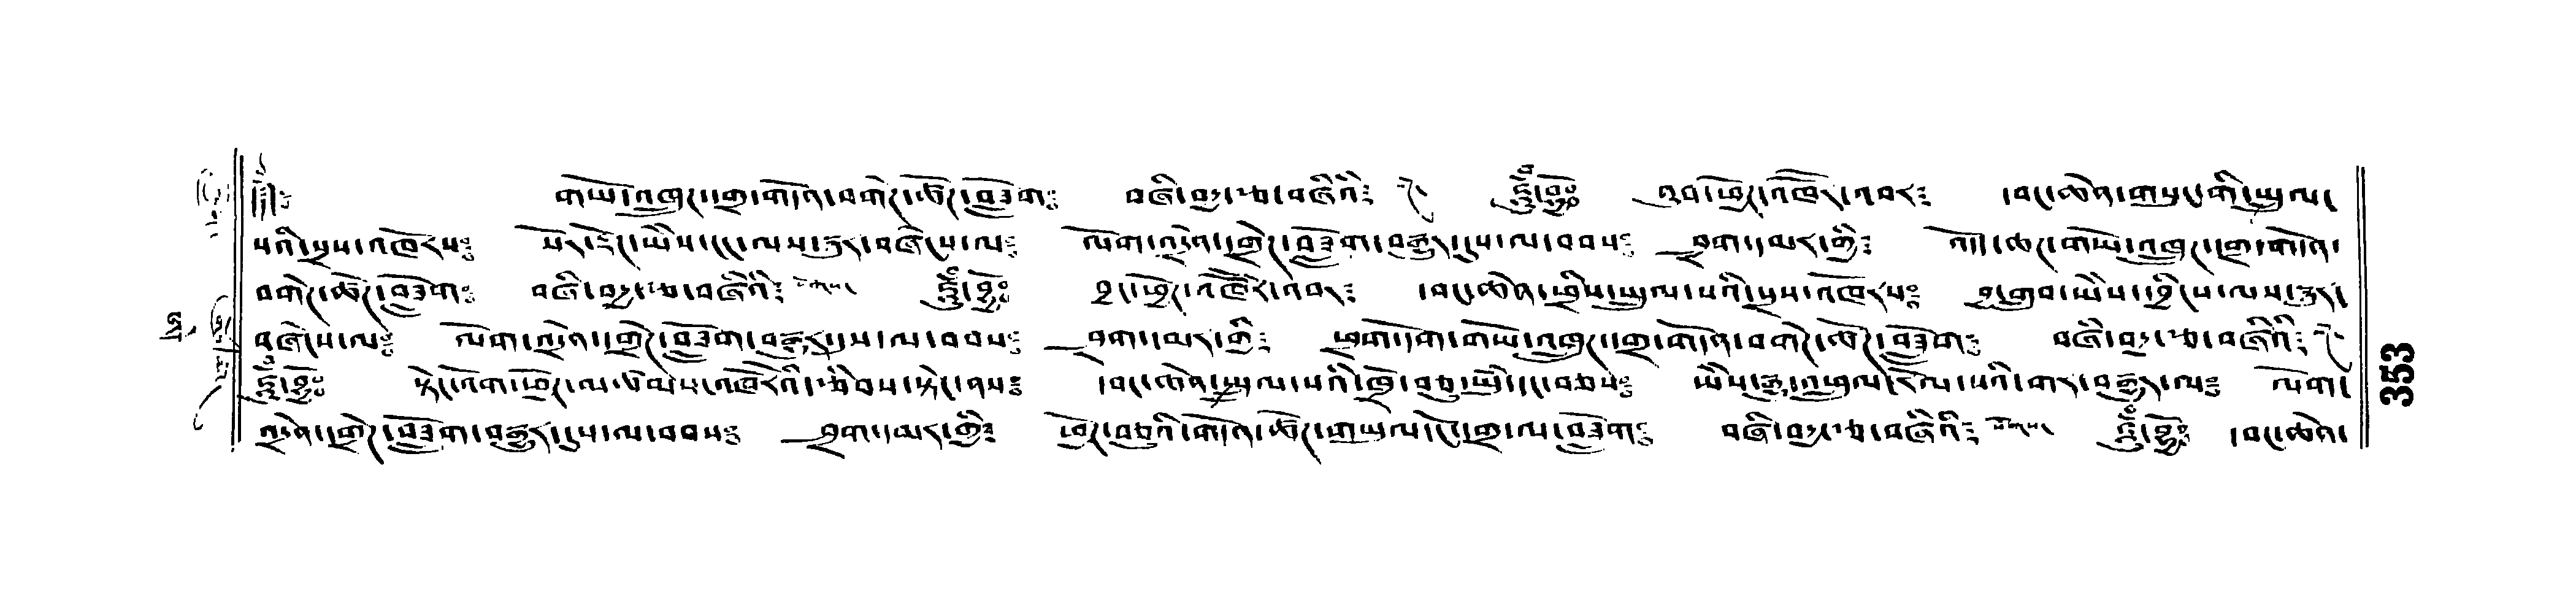གཡོ་འཁྲུགས་དགྲ་གདོན་བགེགས་ཚོགས་བཟློག༔ བཞི་བརྒྱ་རྩ་བཞིའི༴ སོགས༔ ཧཱུྃ་བྷྱོ༔ ནུབ་ཕྱོགས་འཁོར་ལོ་འབར༴ དབང་ཆེན་གསུང་གི་སྤྲུལ་
པའི་སྲས་འཁོར་བཅས༔ སོར་རྟོགས་ཡེ་ཤེས་ངང་ལས་སྐུར་བཞེངས་ལ༔ ལོག་འདྲེན་དགྲ་བགེགས་བཟློག་བསྒྱུར་དུས་ལ་བབས༔ ཤ་ཁྲག་དམར་གྱི༴ འདོད་ཆགས་གཡོ་འཁྲུགས་དགྲ་གདོན་
བགེགས་ཚོགས་བཟློག༔ བཞི་བརྒྱ་རྩ་བཞིའི༴ སོགས༔ ཧཱུྃ་བྷྱོ༔ བྱང་ཕྱོགས་འཁོར་ལོར་འབར༴ དབང་ཆེན་ཕྲིན་ལས་སྤྲུལ་པའི་སྲས་འཁོར་བཅས༔ བྱ་གྲུབ་ཡེ་ཤེས་དབྱིངས་ལས་སྐུར་
བཞེངས་ལ༔ ལོག་འདྲེན་དགྲ་བགེགས་བཟློག་བསྒྱུར་དུས་ལ་བབས༔ ཤ་ཁྲག་དམར་གྱི༴ ཕྲག་དོག་གཡོ་འཁྲུགས་དགྲ་གདོན་བགེགས་ཚོགས་བཟློག༔ བཞི་བརྒྱ་རྩ་བཞིའི༴ སོགས༔ 
ཧཱུྃ་བྷྱོ༔ སྟེང་འོག་ཕྱོགས་མཚམས་འཁོར་ལོའི་རྩིབས་སྟེང་ནས༔ དབང་ཆེན་སྤྲུལ་པའི་ཁྲོ་བཅུ་ཡུམ་དང་བཅས༔ ཡེ་ཤེས་སྒྱུ་འཕྲུལ་རོལ་པའི་གར་བསྒྱུར་ལ༔ ལོག་
འདྲེན་དགྲ་བགེགས་བཟློག་བསྒྱུར་དུས་ལ་བབས༔ ཤ་ཁྲག་དམར་གྱི༴ ཕྱོགས་བཅུའི་གདོན་ཚོགས་གཡུལ་ངོ་དགྲ་ལ་བཟློག༔ བཞི་བརྒྱ་རྩ་བཞིའི༴ སོགས༔ ཧཱུྃ་བྷྱོ༔ དབང་ཆེན་